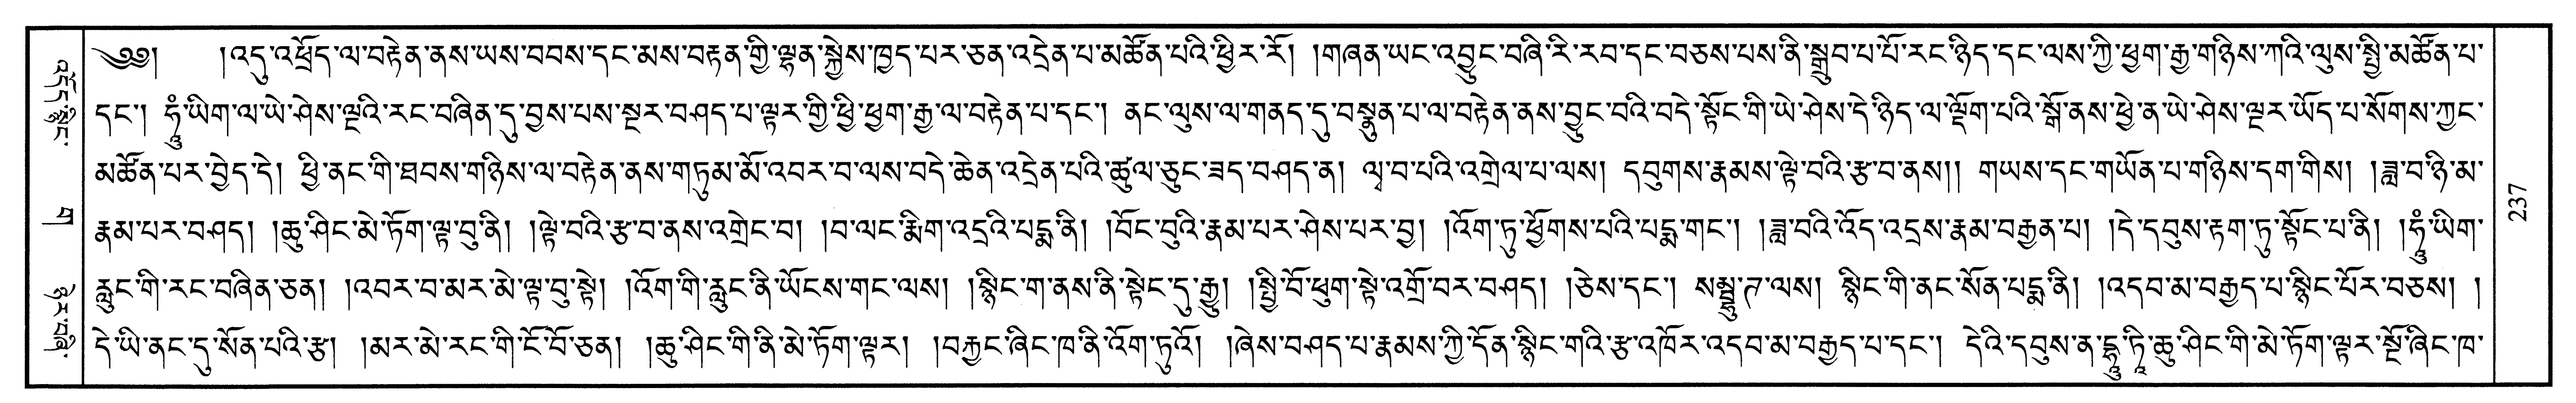༄༅། །འདུ་འཕྲོད་ལ་བརྟེན་ནས་ཡས་བབས་དང་མས་བརྟན་གྱི་ལྷན་སྐྱེས་ཁྱད་པར་ཅན་འདྲེན་པ་མཚོན་པའི་ཕྱིར་རོ། །གཞན་ཡང་འབྱུང་བཞི་རི་རབ་དང་བཅས་པས་ནི་སྒྲུབ་པ་པོ་རང་ཉིད་དང་ལས་ཀྱི་ཕྱག་རྒྱ་གཉིས་ཀའི་ལུས་སྤྱི་མཚོན་པ་
དང་། ཧཱུཾ་ཡིག་ལ་ཡེ་ཤེས་ལྔའི་རང་བཞིན་དུ་བྱས་པས་སྔར་བཤད་པ་ལྟར་གྱི་ཕྱི་ཕྱག་རྒྱ་ལ་བརྟེན་པ་དང་། ནང་ལུས་ལ་གནད་དུ་བསྣུན་པ་ལ་བརྟེན་ནས་བྱུང་བའི་བདེ་སྟོང་གི་ཡེ་ཤེས་དེ་ཉིད་ལ་ལྡོག་པའི་སྒོ་ནས་ཕྱེ་ན་ཡེ་ཤེས་ལྔར་ཡོད་པ་སོགས་ཀྱང་
མཚོན་པར་བྱེད་དེ། ཕྱི་ནང་གི་ཐབས་གཉིས་ལ་བརྟེན་ནས་གཏུམ་མོ་འབར་བ་ལས་བདེ་ཆེན་འདྲེན་པའི་ཚུལ་ཅུང་ཟད་བཤད་ན། ལྭ་བ་པའི་འགྲེལ་པ་ལས། དབུགས་རྣམས་ལྟེ་བའི་རྩ་བ་ནས།། གཡས་དང་གཡོན་པ་གཉིས་དག་གིས། །ཟླ་བ་ཉི་མ་
རྣམ་པར་བཤད། །ཆུ་ཤིང་མེ་ཏོག་ལྟ་བུ་ནི། །ལྟེ་བའི་རྩ་བ་ནས་འགྲེང་བ། །བ་ལང་རྨིག་འདྲའི་པདམ་ནི། །བོང་བུའི་རྣམ་པར་ཤེས་པར་བྱ། །འོག་ཏུ་ཕྱོགས་པའི་པདམ་གང་། །ཟླ་བའི་འོད་འདྲས་རྣམ་བརྒྱན་པ། །དེ་དབུས་རྟག་ཏུ་སྟོང་པ་ནི། །ཧཱུཾ་ཡིག་
རླུང་གི་རང་བཞིན་ཅན། །འབར་བ་མར་མེ་ལྟ་བུ་སྟེ། །འོག་གི་རླུང་ནི་ཡོངས་གང་ལས། །སྙིང་ག་ནས་ནི་སྟེང་དུ་རྒྱུ། །སྤྱི་བོ་ཕུག་སྟེ་འགྲོ་བར་བཤད། །ཅེས་དང་། སམྦྷུ་ཊ་ལས། སྙིང་གི་ནང་སོན་པདམ་ནི། །འདབ་མ་བརྒྱད་པ་སྙིང་པོར་བཅས།།
དེ་ཡི་ནང་དུ་སོན་པའི་རྩ། །མར་མེ་རང་གི་ངོ་བོ་ཅན། །ཆུ་ཤིང་གི་ནི་མེ་ཏོག་ལྟར། །བརྐྱང་ཞིང་ཁ་ནི་འོག་ཏུའོ། །ཞེས་བཤད་པ་རྣམས་ཀྱི་དོན་སྙིང་གའི་རྩ་འཁོར་འདབ་མ་བརྒྱད་པ་དང་། དེའི་དབུས་ན་དྷཱུ་ཏཱི་ཆུ་ཤིང་གི་མེ་ཏོག་ལྟར་སྔོ་ཞིང་ཁ་